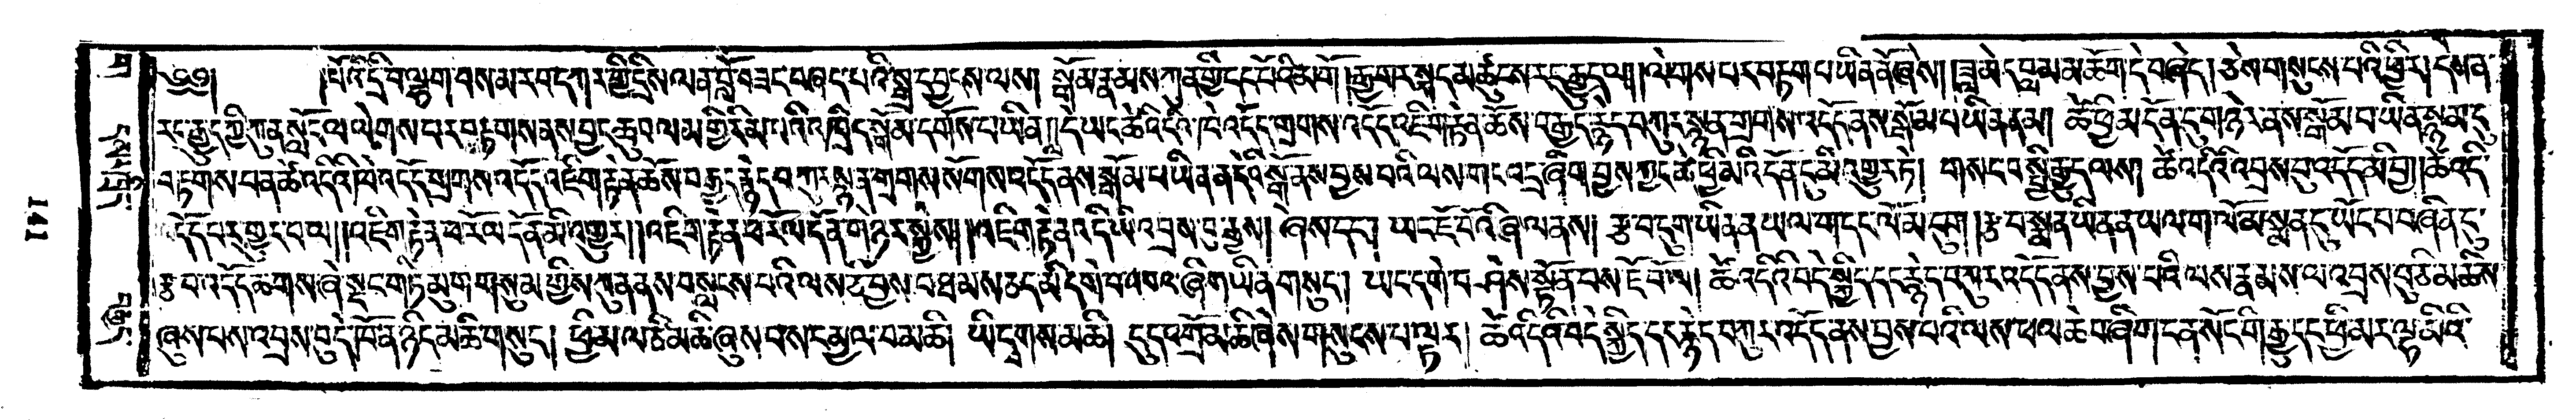༄༅། །པོའི་དྲི་བ་ལྷག་བསམ་རབ་དཀར་གྱི་དྲིས་ལན་བློ་བཟང་བཞད་པའི་སྒྲ་དབྱངས་ལས། སྒོམ་རྣམས་ཀུན་གྱི་དང་པོའི་མགོ །རྒྱ་གར་སྐད་མཚུངས་རང་རྒྱུད་ལ། །ལེགས་པར་བརྟག་པ་ཡིན་ནོ་ཞེས། །ཟླ་མེད་བླ་མ་མཆོག་དེ་བཞེད། ཅེས་གསུངས་པའི་ཕྱིར། དེས་ན་
རང་རྒྱུད་ཀྱི་ཀུན་སློང་ལ་ལེགས་པར་བརྟགས་ནས་བྱང་ཆུབ་ལམ་གྱི་རིམ་པའི་འཁྲིད་སྒོམ་དགོས་པ་ཡིན་ལ། །དེ་ཡང་ཚེ་འདིའི་ཁེ་འདོད་གྲགས་འདོད་འཇིག་རྟེན་ཆོས་བརྒྱད་རྙེད་བཀུར་སྙན་གྲགས་འདོད་ནས་སྒོམ་པ་ཡིན་ནམ། ཚེ་ཕྱི་མངོན་དུ་གཉེར་ནས་སྒོམ་པ་ཡིན་སྙམ་དུ་
བརྟགས་བན་ཚེ་འདིའི་ཁེ་འདོད་གྲགས་འདོད་འཇིག་རྟེན་ཆོས་བརྒྱད་རྙེད་བཀུར་སྙན་གྲགས་སོགས་འདོད་ནས་སྒོམ་པ་ཡིན་ན་དེའི་སྒོ་ནས་བྱས་པའི་ལས་གང་འདྲ་ཞིག་བྱས་ཀྱང་ཚེ་ཕྱི་མའི་དོན་དུ་མི་འགྱུར་ཏེ། གསང་བ་སྤྱི་རྒྱུད་ལས། ཚེ་འདིའི་འབྲས་བུ་འདོད་མི་བྱ། །ཚེ་འདི་
འདོད་པར་གྱུར་པ་ལ། །འཇིག་རྟེན་ཕ་རོལ་དོན་མི་འགྱུར། །འཇིག་རྟེན་ཕ་རོལ་དོན་གཉེར་སྐྱེས། །འཇིག་རྟེན་འདི་ཡི་འབྲས་བུ་རྒྱས། །ཞེས་དང་། ཡང་ཇོ་བོའི་ཞལ་ནས། རྩ་བ་དུག་ཡིན་ན་ཡལ་ག་དང་ལོ་མ་དུག །རྩ་བ་སྨན་ཡིན་ན་ཡལ་ག་ལོ་མ་སྨན་དུ་ཡོང་བ་བཞིན་དུ་
རྩ་བ་འདོད་ཆགས་ཞེ་སྡང་གཏི་མུག་གསུམ་གྱིས་ཀུན་ནས་བསླངས་པའི་ལས་ཅི་བྱས་བ་ཐམས་ཅད་མི་དགེ་བ་འབའ་ཞིག་ཡིན་གསུང་། ཡང་དགེ་བཤེས་སྟོན་པས་ཇོ་བོ་ལ། ཚེ་འདིའི་བདེ་སྐྱིད་དང་རྙེད་བཀུར་འདོད་ནས་བྱས་པའི་ལས་རྣམས་ལ་འབྲས་བུ་ཅི་མཆིས་
ཞུས་པས་འབྲས་བུ་དེ་ཁོ་ན་ཉིད་མཆི་གསུང་། ཕྱི་མ་ལ་ཙིམ་ཆི་ཞུས་པས་དམྱལ་བ་མཆི། ཡི་དྭགས་མཆི། དུད་འགྲོ་མཆི་ཞེས་གསུངས་པ་ལྟར། ཚེ་འདིའི་བདེ་སྐྱིད་དང་རྙེད་བཀུར་འདོད་ནས་བྱས་པའི་ལས་ཕལ་ཆེ་བ་ཞིག་ངན་སོང་གི་རྒྱུ་དང་ཕྱི་མར་ལྷ་མིའི་